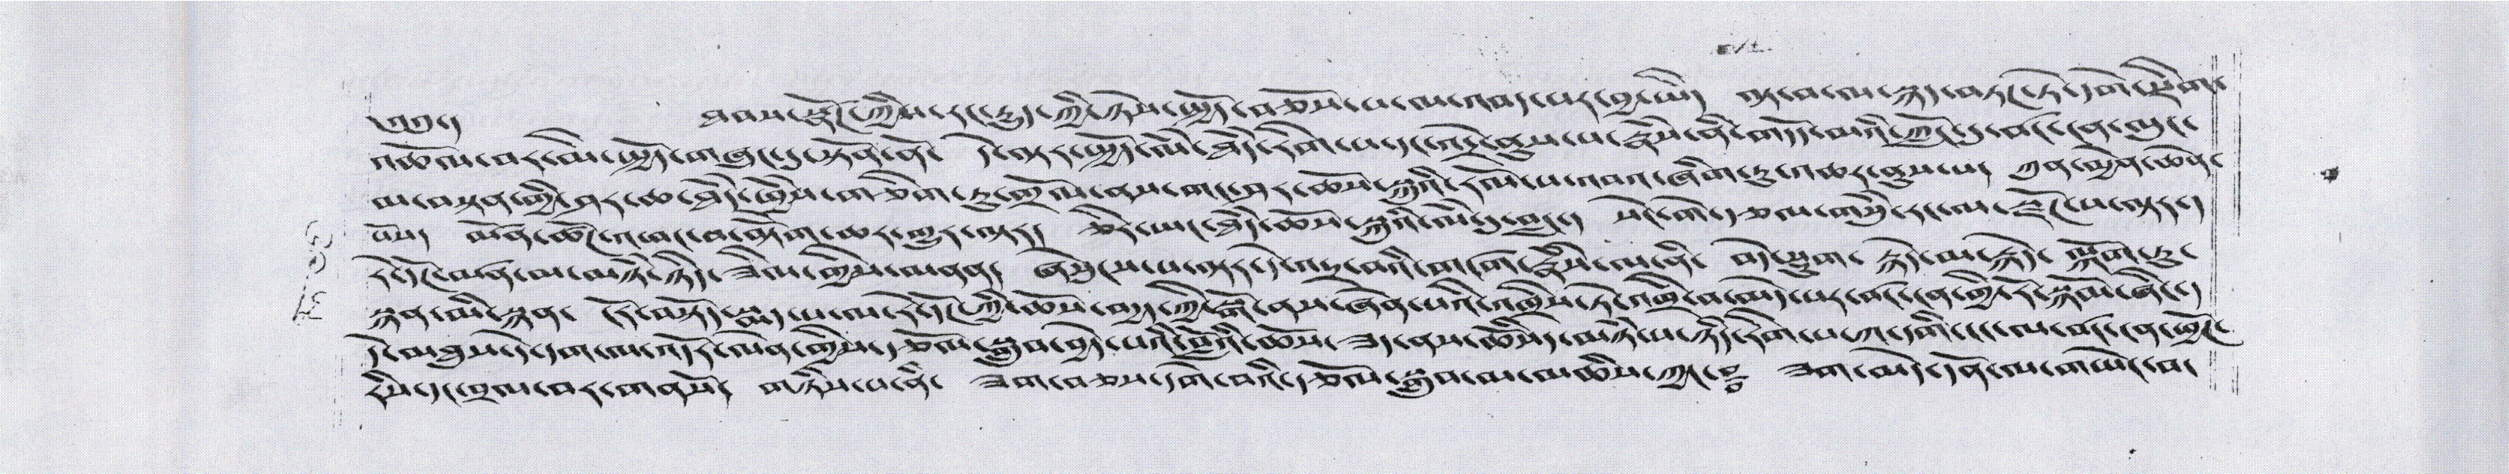ཐབས་སྣ་ཚོགས་ཀྱིས་རང་རྒྱུད་ཀྱི་ཉེས་སྤྱོད་བཅོས་པ་ལ་འབད་པར་བྱ་ཡི། ལྟ་བ་ལ་བསྙད་བཏགས་ཏེ་དགེ་སྡིག་
འཆོལ་བར་མི་སྤྱོད་གཞུང་དུ་སྟོན་ནོ། དེ་ལྟར་སྤྱོད་ལམ་ཐམས་ཅད་རིག་པ་དང་འདྲེ་ནུས་པ་རྣམས་ནི་གདོད་མའི་ཀློང་དུ་བཟང་ངན་ལུང་
མ་བསྟན་གྱི་ཤར་ཆ་ཐམས་ཅད་ཕྱམ་གཅིག་ཏུ་གྲོལ་ནས་གང་ཤར་ཆོས་སྐུའི་རོལ་པ་འབའ་ཞིག་ཏུ་འཆར་ནུས་པ། ཀུན་མཁྱེན་ཆེན་
པོས། མཚོན་ཚོགས་འཕངས་པ་མེ་ཏོག་ཆར་གྱུར་ལྟར། ཅིར་ཡང་ཐམས་ཅད་ཆོས་སྐུའི་ལམ་དུ་བླང་། སེང་གེ་རྩལ་གསུམ་རང་ལ་རྫོགས་པ་ལྟར། 
རེ་དོགས་མཚན་མ་མཉམ་ཉིད་ཟིལ་གྱིས་མནན། ཞེས་གསུངས་པ་ལྟར། དེ་འདྲ་བའི་གང་ཟག་རྣམས་ལ་ནི། བདེ་སྡུག་རྙེད་མ་རྙེད། ལྐོག་ཏུ་
སྙན་མི་སྙན། ངོར་བསྟོད་སྨད་པ་ལ་རེ་དོགས་ཀྱི་ཆོས་བརྒྱད་ཀྱི་སྒོ་ནས་ཞེན་པའི་འཁྲིས་ཏེ་འཁྲི་བ་མེད་པར་བཟང་ངན་གྱི་རོ་སྙོམས་ཤིང་། 
དེ་འཐུས་དེ་དག་ལ་འདོར་ལེན་གྱིས་རྩོལ་སྒྲུབ་བྱེད་པའི་བློ་ཡི་ཆོས་ཟད་ནས་ཆོས་ཉིད་མཉམ་པ་ཉིད་ཀྱི་རིག་པ་ཀ་དག་གི་ངང་ལ་བཟང་ངན་ཕྱོགས་
རིས་དང་བྲལ་བར་གནས་སོ། གཉིས་པ་ནི། ཟག་བཅས་དགེ་བའི་རྩོལ་སྒྲུབ་མ་མཆིས་ཀྱངཿ ཟག་མེད་དོན་ལ་གཡེང་བ་